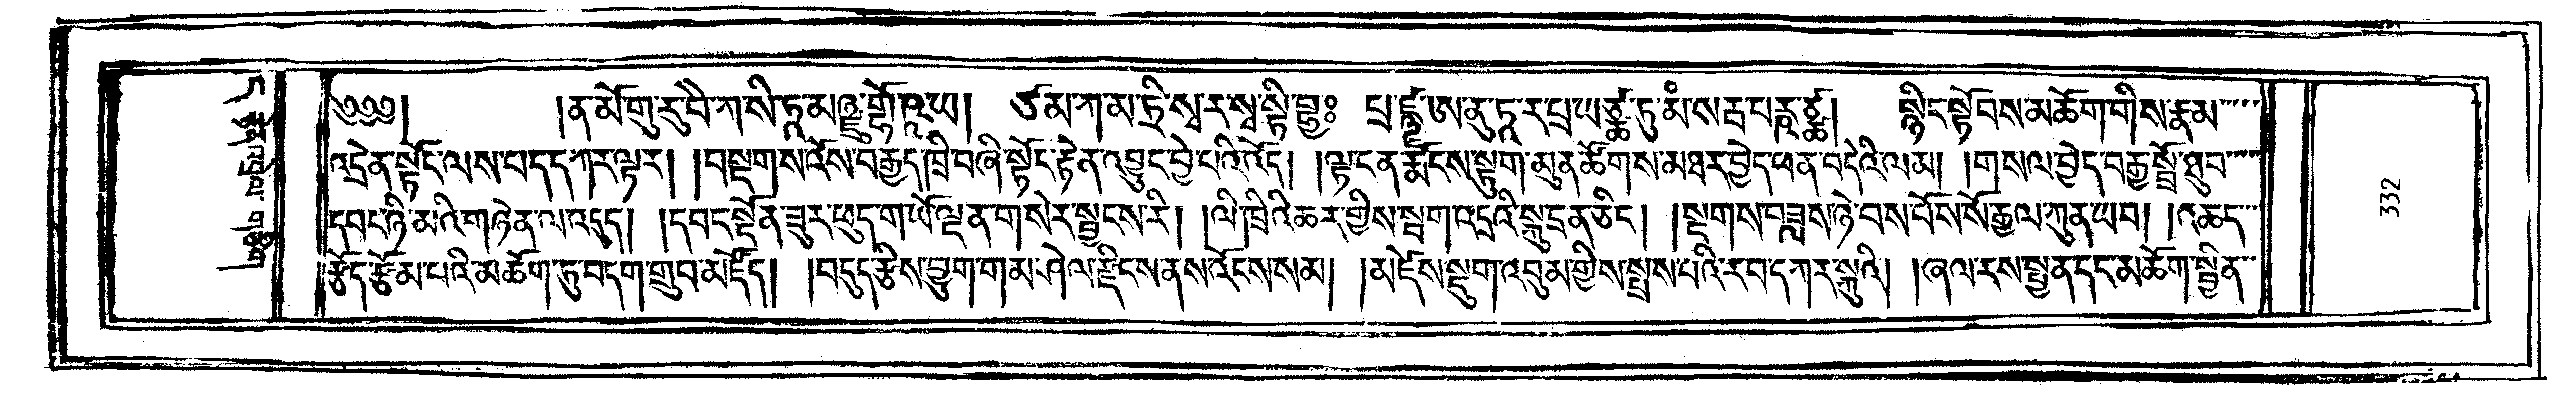༄༅༅། །ན་མོ་གུ་རུ་བཻ་ཀ་སི་ཏཱ་མཉྫུ་གྷོ་ཥཱ་ཡ། ཙ་མ་ཀ་མ་ཏྲི་སྭ་ར་སྭ་སྟི་བྷྱཿ པྲ་ཛྙཱ་ཨ་ནུ་ཏཱ་ར་པྲ་ཡཙྪ་ཏུ་མཾ་སརྦ་པརྵ་ཙྪ། སྙིང་སྟོབས་མཆོག་གིས་རྣམ་
འདྲེན་སྟོང་ལས་པད་དཀར་ལྟར། །བསྔགས་འོས་བརྒྱད་ཁྲི་བཞི་སྟོང་རྟེན་འབྱུང་བྱེ་པའི་འོད། །ལྟ་ངན་རྨོངས་སྟུག་མུན་ཚོགས་མཐར་བྱེད་ཕན་བདེའི་ལམ། །གསལ་བྱེད་བརྒྱ་སྤྲོ་ཐུབ་
དབང་ཉི་མའི་གཉེན་ལ་འདུད། །དབང་སྔོན་ཟུར་ཕུད་གཡོ་ལྡན་གསེར་སྦྱངས་རི། །ལི་ཁྲིའི་ཆར་གྱིས་སྦག་འདྲའི་སྐུ་དྲན་ཅིང་། །སྔགས་བཟླས་ཉེ་བས་བོས་སོ་རྒྱལ་ཀུན་ཡབ། །འཆད་
རྩོད་རྩོམ་པའི་མཆོག་ཏུ་བདག་གྲུབ་མཛོད། །བདུད་རྩིས་བྱུག་གམ་ཤེལ་རྫིངས་ནས་འོངས་སམ། །མཛེས་སྡུག་འབུམ་གྱིས་སྤྲས་པའི་རབ་དཀར་སྐུའི། །ཞལ་རས་སྤྱན་དང་མཆོག་སྦྱིན་